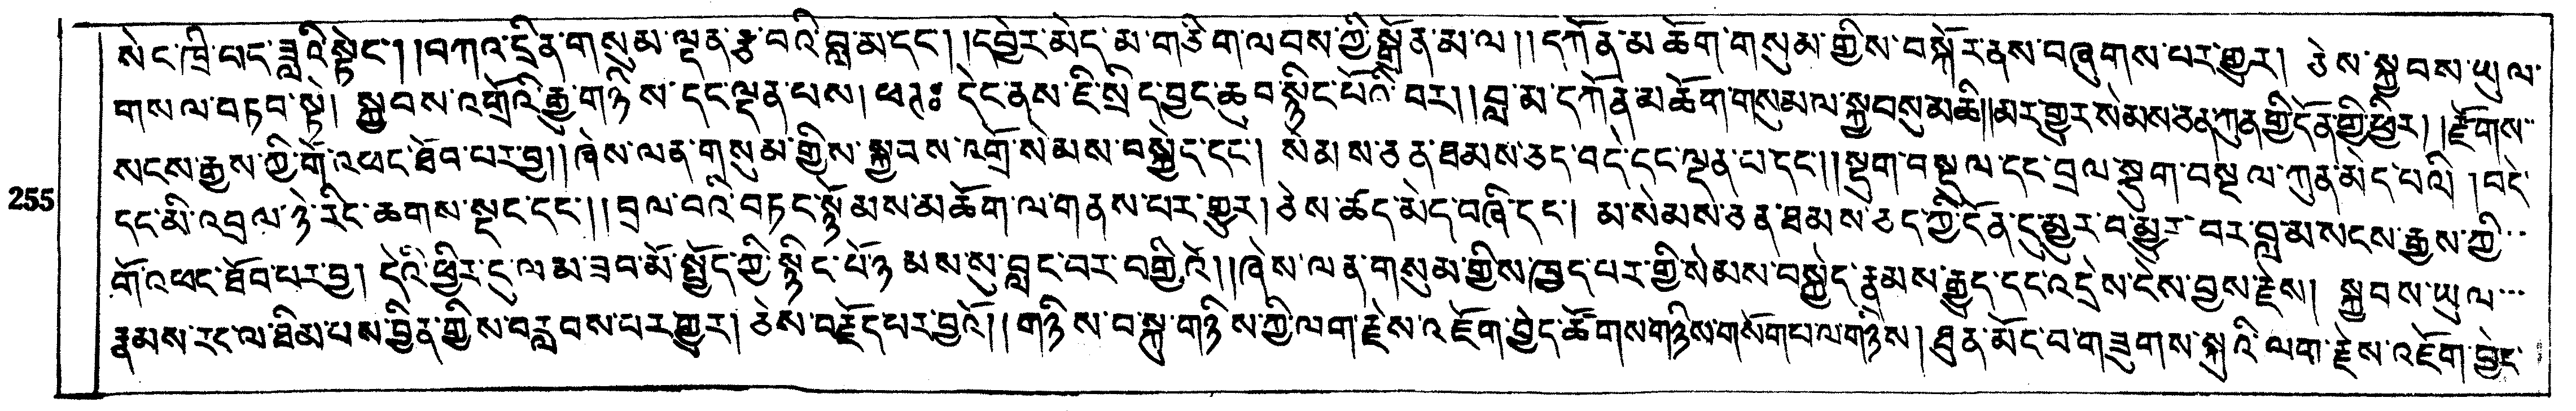སེང་ཁྲི་པད་ཟླའི་སྟེང་། །བཀའ་དྲིན་གསུམ་ལྡན་རྩ་བའི་བླ་མ་དང་། །དབྱེར་མེད་མ་གཅིག་ལབས་ཀྱི་སྒྲོན་མ་ལ། །དཀོན་མཆོག་གསུམ་གྱིས་བསྐོར་ནས་བཞུགས་པར་གྱུར། ཅེས་སྐྱབས་ཡུལ་
གསལ་བཏབ་སྟེ། སྐྱབས་འགྲོའི་རྒྱུ་གཉིས་དང་ལྡན་པས། ཕཊཿ དེང་ནས་ཇི་སྲིད་བྱང་ཆུབ་སྙིང་པོའི་བར། །བླ་མ་དཀོན་མཆོག་གསུམ་ལ་སྐྱབས་སུ་མཆི། །མར་གྱུར་སེམས་ཅན་ཀུན་གྱི་དོན་གྱི་ཕྱིར། །རྫོགས་
སངས་རྒྱས་ཀྱི་གོ་འཕང་ཐོབ་པར་བྱ། །ཞེས་ལན་གསུམ་གྱིས་སྐྱབས་འགྲོ་སེམས་བསྐྱེད་དང་། སེམས་ཅན་ཐམས་ཅད་བདེ་དང་ལྡན་པ་དང་། །སྡུག་བསྔལ་དང་བྲལ་སྡུག་བསྔལ་ཀུན་མེད་པའི། །བདེ་
དང་མི་འབྲལ་ཉེ་རིང་ཆགས་སྡང་དང་། །བྲལ་བའི་བཏང་སྙོམས་མཆོག་ལ་གནས་པར་གྱུར། ཅེས་ཚད་མེད་བཞི་དང་། མ་སེམས་ཅན་ཐམས་ཅད་ཀྱི་དོན་དུ་མྱུར་བ་མྱུར་བར་བླ་མ་སངས་རྒྱས་ཀྱི་
གོ་འཕང་ཐོབ་པར་བྱ། དེའི་ཕྱིར་དུ་ལམ་ཟབ་མོ་སྤྱོད་ཀྱི་སྙིང་པོ་ཉམས་སུ་བླང་བར་བགྱིའོ། །ཞེས་ལན་གསུམ་གྱིས་ཁྱད་པར་གྱི་སེམས་བསྐྱེད་རྣམས་རྒྱུད་དང་འདྲེས་ངེས་བྱས་རྗེས། སྐྱབས་ཡུལ་
རྣམས་རང་ལ་ཐིམ་པས་བྱིན་གྱིས་བརླབས་པར་གྱུར། ཅེས་བརྗོད་པར་བྱའོ། །གཉིས་པ་སྐུ་གཉིས་ཀྱི་ལག་རྗེས་འཇོག་བྱེད་ཚོགས་གཉིས་གསོག་པ་ལ་གཉིས། ཐུན་མོང་བ་གཟུགས་སྐུའི་ལག་རྗེས་འཇོག་བྱེད་